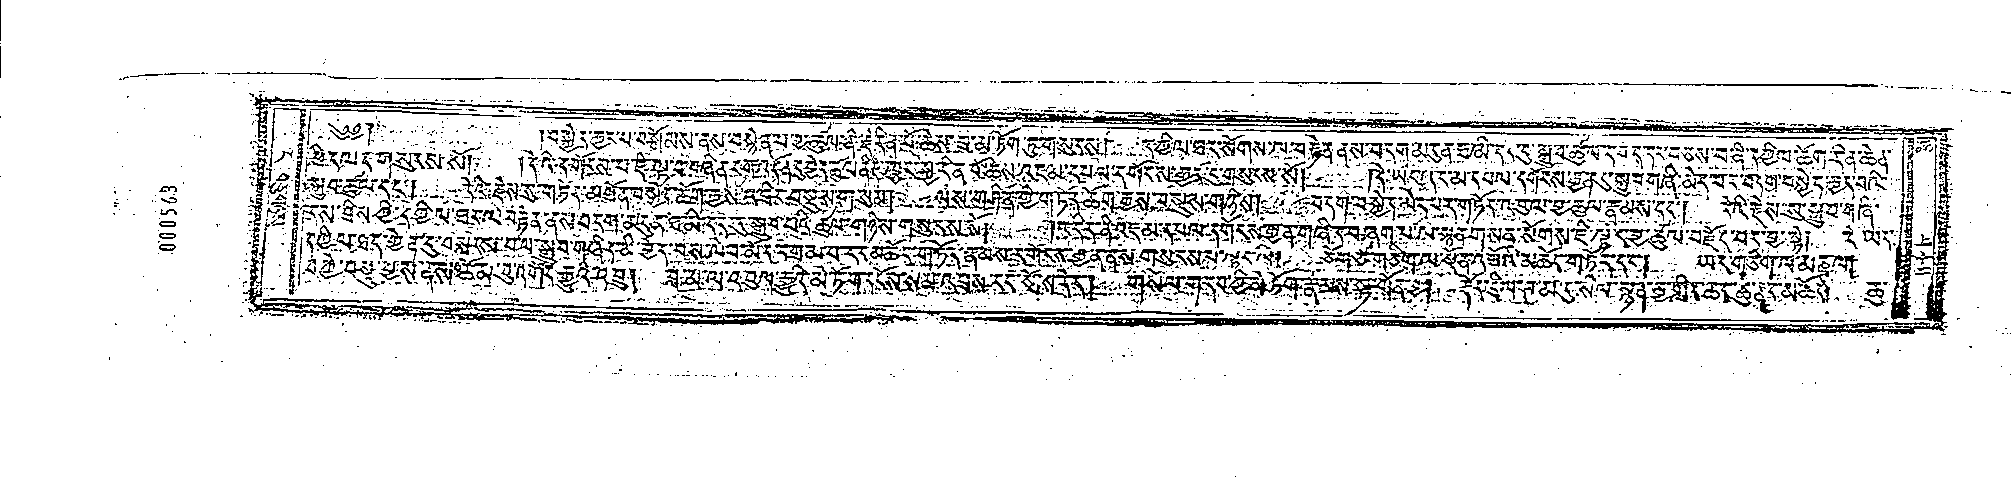༄༅། །བསྐྱེད་རྐྱང་པ་བསྒོམས་ནས་བསྙེན་པ་བྱ་ཚུལ་ནི་རྗེ་རིན་པོ་ཆེས་ཟ་མ་ཏོག་ཏུ་གསུངས། དཀྱིལ་ཐང་སོགས་ལ་བརྟེན་ནས་བདག་མདུན་ཐ་མི་དང་དུ་སྒྲུབ་ཚུལ་དབང་དང་བཅས་བ་ནི་དཀྱིལ་ཆོག་རིན་ཆེན་
ཕྲིད་ལད་གསུངས་སོ། །དེའི་དགོངས་པ་ཇི་ལྟ་བ་བཞིན་དག་འདོན་དུ་བྱེད་ཚུལ་ནི་རྗེ་ལུང་སྐྱ་རིན་པོ་ཆེས་འཇམ་དཔལ་དགོངས་རྒྱན་དུ་གསུངས་སོ། །དེ་ཡང་འཇམ་དཔལ་དགོངས་རྒྱན་དུ་སྒྲུབ་གཞི་མེད་པར་བདག་བསྐྱེད་རྐྱད་བའི་
སྒྲུབ་ཚུལ་དང་། དེའི་རྗེས་སུ་གཏོར་མགྲོན་བསྐྱེད་ཆོག་རྒྱས་འབྲིང་བསྡུས་གསུམ། ལས་གཤིན་གྱི་གཏོར་ཆོག་རྒྱས་བསྡུས་གཉིས། བདག་བསྐྱེད་མེད་པར་གཏོར་འབུལ་བྱ་ཚུལ་རྣམས་དང་། དེའི་རྗེས་སུ་སྒྲུབ་གཞི་
རས་བྲིས་ཀྱི་དཀྱིལ་ཐང་ལ་བརྟེན་ནས་བདག་མདུན་ཐ་མི་དད་དུ་སྒྲུབ་པའི་ཚུལ་གཉིས་གསུངས་སོ། །འདིར་ནི་འཇམ་དཔལ་དགོངས་རྒྱན་གཞིད་བཞག་པ་ལ་སྙན་གསན་སོགས་ཇི་ལྟར་བྱ་ཚུལ་བརྗོད་བར་བྱ་སྟེ། དེ་ཡང་
དཀྱིལ་ཐད་གྱེན་དུ་བསླངས་པ་ལ་སྒྲུབ་གཞིར་མི་བྱེད་བས་ལེབ་མོད་དགྲམ་པ་དང་མཆོད་གཏོར་རྣམས་དགོངས་རྒྱན་ནས་གསུངས་པ་ལྟར་ལ། ཅོག་ཙེ་གཅིག་ལ་སྔོན་འགྲོའི་མཆོད་གཏོར་དང་། ཡང་གཅིག་ལ་མཎྜལ།
བཀྱེ་བསྡུ་བྱས་ནས་ཚོམ་བུ་འགོད་རྒྱུའི་འབྲུ། བླ་མ་ལ་འབུལ་རྒྱུའི་མེ་ཏོག་དངོས་སམ་འབྲས་དང་སྤོས་རེད། གསོལ་གདབ་ཀྱི་མེ་ཏོག་རྣམས་སྟ་གོན་བྱ། རྡོར་དྲིལ་ཊ་མ་རུ་སིལ་སྙན་རྒྱ་གླིང་ཆད་ཆུ་ནང་མཆོད། ཆུ་